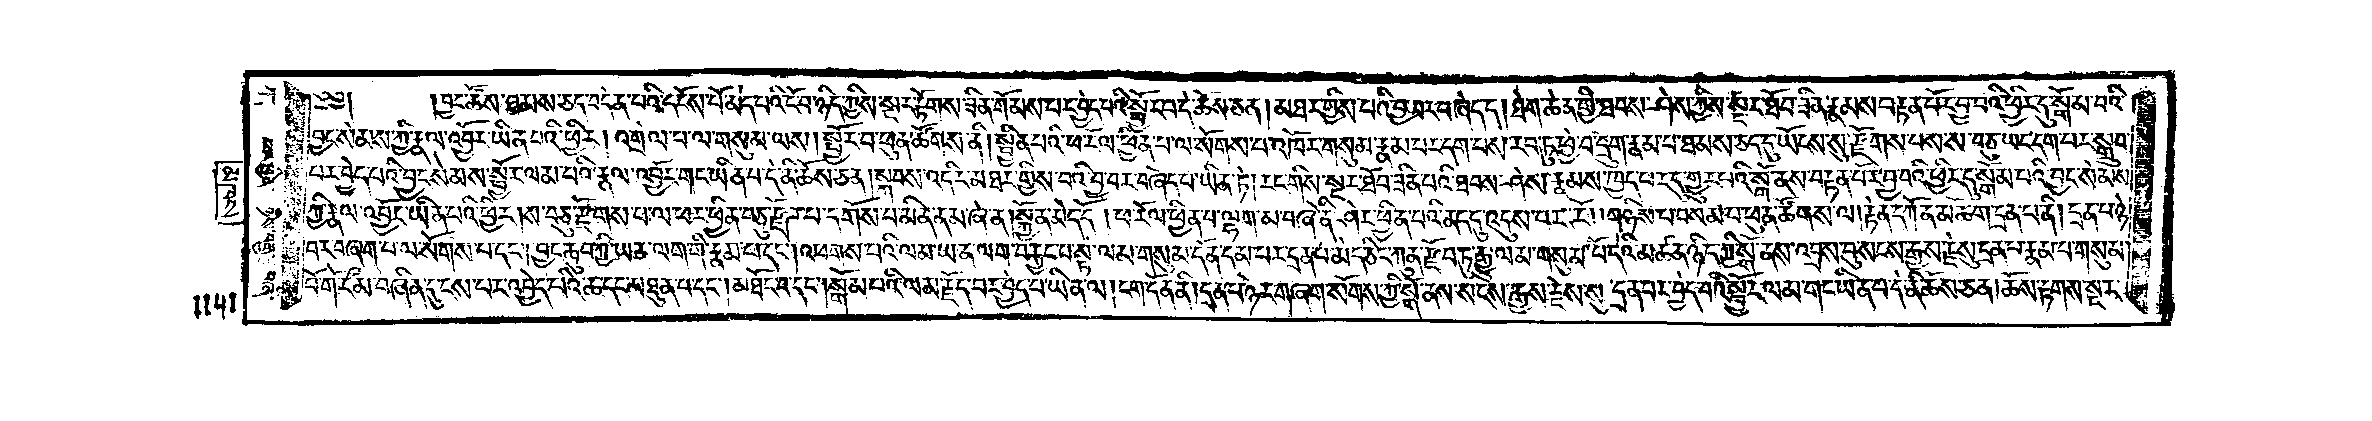༄༅། །བྱང་ཆོས་ཐམས་ཅད་བདེན་པའི་དངོས་པོ་མེད་པའི་ངོ་བོ་ཉིད་ཀྱིས་སྔར་རྟོགས་ཟིན་གོམས་པར་བྱེད་པའི་སྦྱོར་བ་དེ་ཆོས་ཅན། མཐར་གྱིས་པའི་བྱ་བར་བཞེད་དེ། ཐེག་ཆེན་གྱི་ཐབས་ཤེས་ཀྱིས་སྔར་ཐོབ་ཟིན་རྣམས་བརྟན་པོར་བྱ་བའི་ཕྱིར་དུ་སྒོམ་པའི་
བྱང་སེམས་ཀྱི་རྣལ་འབྱོར་ཡིན་པའི་ཕྱིར། འགྲེལ་བ་ལ་གསུམ་ལས། སྦྱོར་བ་ཕུན་ཚོགས་ནི། སྦྱིན་པའི་ཕ་རོལ་ཕྱིན་པ་ལ་སོགས་པ་འཁོར་གསུམ་རྣམ་པར་དག་པས་རབ་ཏུ་ཕྱེ་བ་དྲུག་རྣམ་པ་ཐམས་ཅད་དུ་ཡོངས་སུ་རྫོགས་པས་ས་བཅུ་ཡང་དག་པར་སྒྲུབ་
པར་བྱེད་པའི་བྱང་སེམས་སྦྱོར་ལམ་པའི་རྣལ་འབྱོར་གང་ཡིན་པ་དེ་ནི་ཆོས་ཅན། སྐབས་འདིར་མཐར་གྱིས་བའི་བྱ་བར་བཞེད་པ་ཡིན་ཏེ། རང་གིས་སྔར་ཐོབ་ཟིན་པའི་ཐབས་ཤེས་རྣམས་ཁྱད་པར་དུ་གྱུར་བའི་སྒོ་ནས་བརྟན་པོར་བྱ་བའི་ཕྱིར་དུ་སྒོམ་པའི་བྱང་སེམས་
ཀྱི་རྣལ་འབྱོར་ཡིན་པའི་ཕྱིར། ས་བཅུ་རྫོགས་པ་ལ་ཕར་ཕྱིན་བཅུ་རྫོགས་པ་དགོས་པ་མིན་ནམ་ཞེ་ན། སྐྱོན་མེད་དོ། ཕ་རོལ་ཕྱིན་པ་ལྷག་མ་བཞི་ནི་ཤེར་ཕྱིན་པའི་ནང་དུ་འདུས་པར་རོ། །གཉིས་པ་བསམ་པ་ཕུན་ཚོགས་ལ། རྟེན་དཀོན་མཆོག་དྲན་པ་ནི། དྲན་པ་ཉེ་
བར་བཞག་པ་ལ་སོགས་པ་དང་། བྱང་ཆུབ་ཀྱི་ཡན་ལག་གི་རྣམ་པ་དང་། འཕགས་པའི་ལམ་ཡན་ལག་བརྒྱད་པ་སྟེ་ལམ་གསུམ་དོན་དམ་པར་དྲན་པ་མེད་ཅིང་ཀུན་རྫོབ་ཏུ་རྒྱུ་ལམ་གསུམ་པོ་དེའི་མཚན་ཉིད་ཀྱི་སྒོ་ནས་འབྲས་བུ་སངས་རྒྱས་རྗེས་སུ་དྲན་པ་རྣམ་པ་གསུམ་
པོ་གོ་རིམ་བཞིན་དུ་ངེས་པར་འབྱེད་པའི་ཆ་དང་མཐུན་པ་དང་། མཐོང་བ་དང་། སྒོམ་པའི་ལམ་རྗོད་པར་བྱེད་པ་ཡིན་ལ། ངག་དོན་ནི། དྲན་པ་ཉེར་གཞག་སོགས་ཀྱི་སྒོ་ནས་སངས་རྒྱས་རྗེས་སུ་དྲན་པར་བྱེད་པའི་སྦྱོར་ལམ་གང་ཡིན་པ་དེ་ནི་ཆོས་ཅན། ཆོས་རྟགས་སྔར་